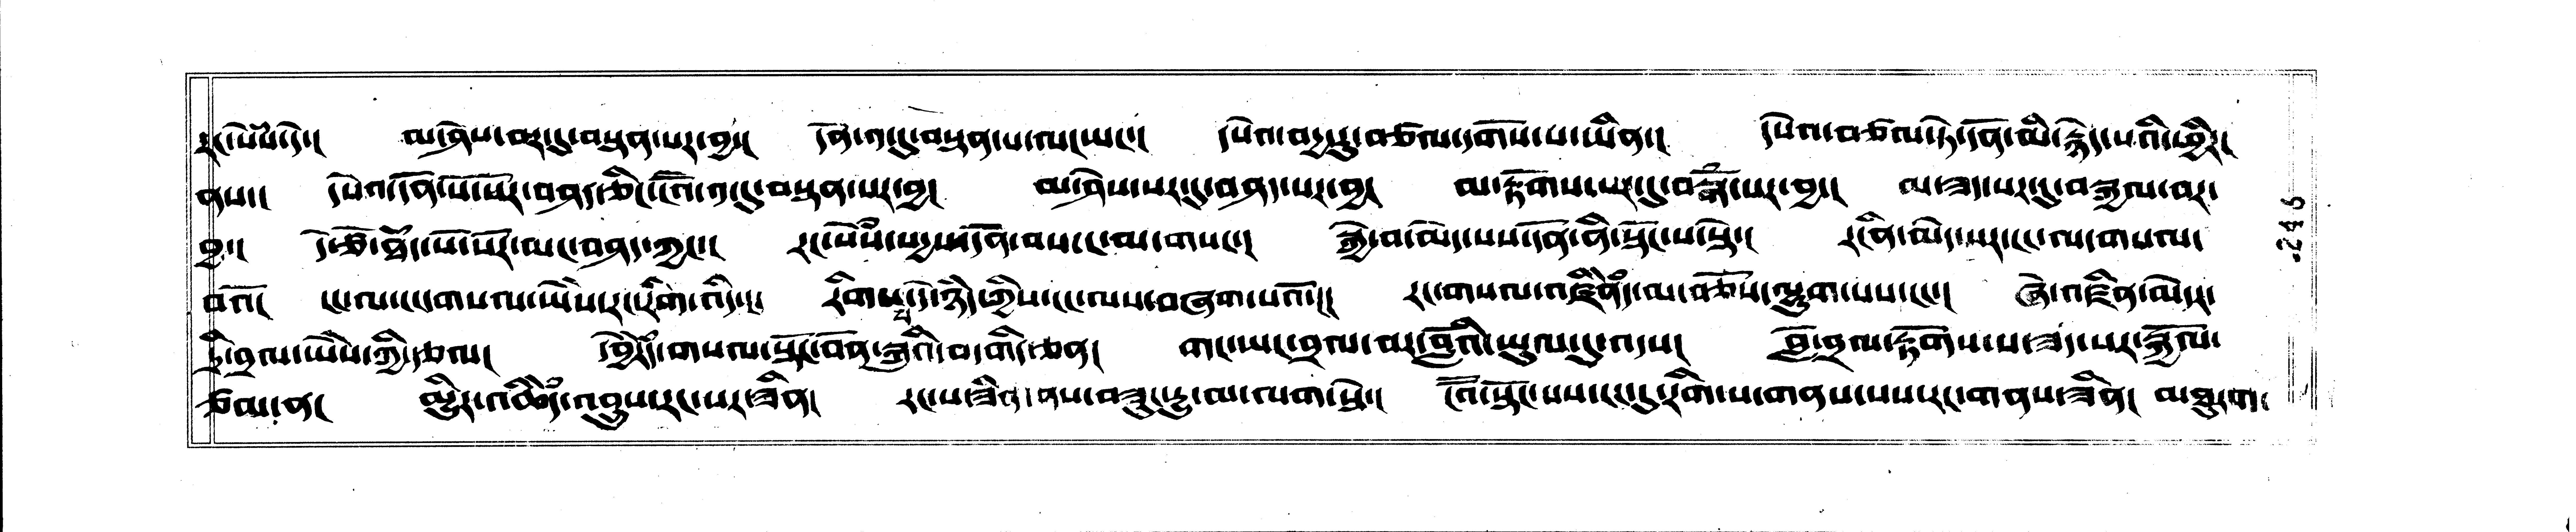རང་སེམས་ཏེ། མ་ཤེས་བར་དུ་བསྟན་པར་བྱ། དོན་གཅིག་ཏུ་བསྟན་པ་ལ་ཡང་། དཔེ་བརྒྱ་རུ་བརྩལ་དགོས་པ་ཡིན། དཔེ་མ་བཙལ་ཚེ་དོན་མི་རྙེད་པའི་ཕྱིར་
ན། དཔེ་དོན་སོ་སོར་བཤད་ཅིང་ངོའོ་གཅིག་ཏུ་བསྟན་པར་བྱ། མ་ཤེས་བར་དུ་བཤད་པར་བྱའོ། མ་རྟོགས་བར་དུ་སྒོམས་པར་བྱ། མ་ཟད་བར་དུ་བསྐྱལ་པར་
བྱ། ཐེ་ཚོམ་ཐམས་ཅད་སོ་སོར་མང་བཤད་ཀྱང་། རང་སེམས་སངས་རྒྱས་དོན་བེས་ངས་མ་གསུངས། སྐྱེ་བ་མེད་པའི་དོན་ནི་སྟོང་པ་སྟེ། རང་བཞིན་མེད་པར་ངང་ལ་གསལ་
བའོ། ངང་ལ་ངང་གསལ་རང་རིག་ཡེ་ཤེས་འདི། རིག་པ་དེ་ཉིད་ངང་ལ་བཞག་པའོ། རང་གསལ་འཛིན་མེད་མ་བཅོས་ལྷུག་པའི་ངང་། ཞེ་འཛིན་མེད་པ་
དྲི་བྲལ་ཡེ་ཤེས་རྩལ། དབྱེར་མེད་གསལ་སྟོང་བོན་སྐུའི་བདག་ཉིད་ཅན། གང་དང་ཡང་བྲལ་བ་བློའི་ཡུལ་ལས་འདས། བློ་བྲལ་རྟོག་པ་ཟད་སར་སྐྱོལ་
ཙམ་ན། མི་འགྱུར་འཆི་མེད་འབྲས་བུ་རང་སར་ཟིན། རང་ས་བཟུངས་ནས་བཟུང་རྒྱུ་མ་ལགས་སྟེ། ངོའོ་སྟོང་པའི་ངང་དུ་རིག་པ་རང་ས་ཟིན། མཐར་ཐུག་